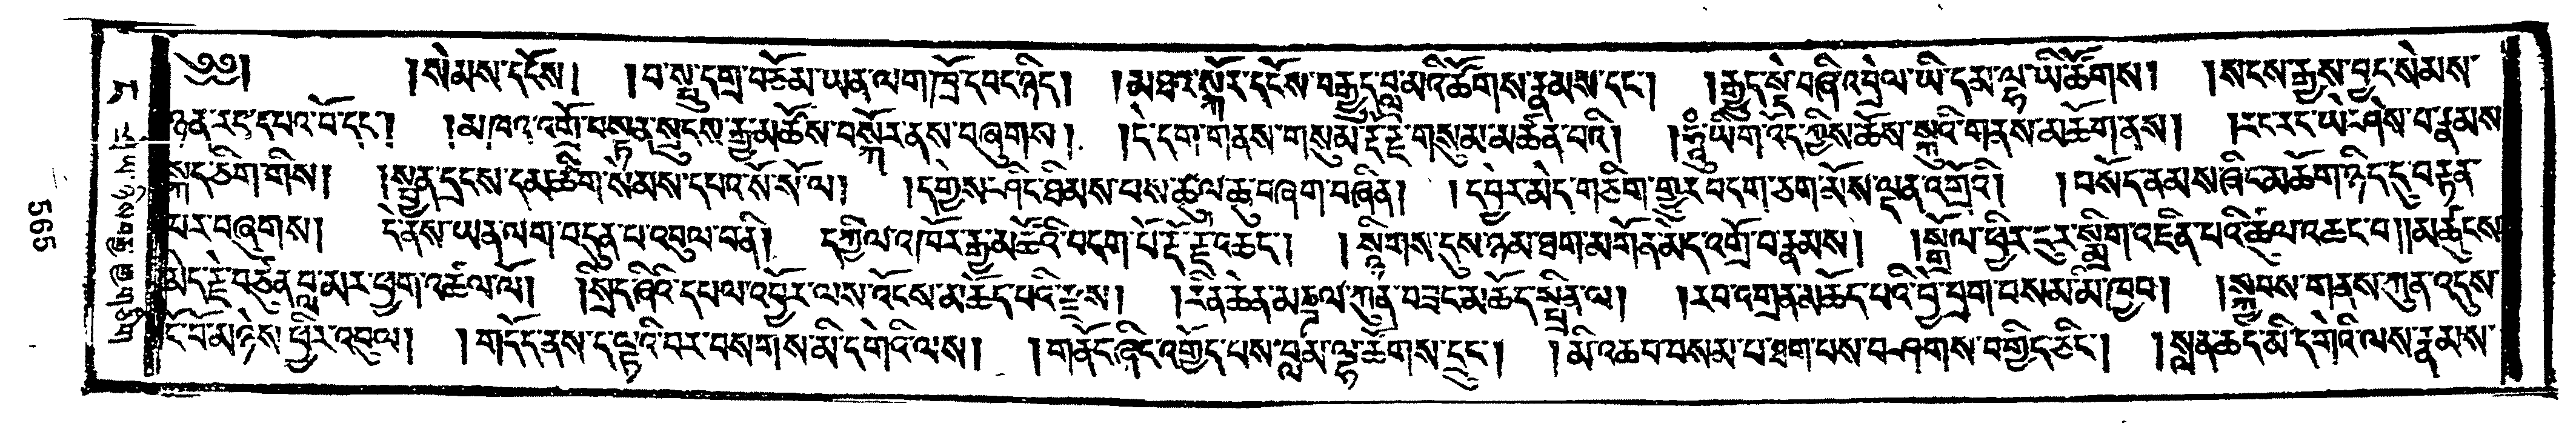༄༅། །སེམས་དངོས། །བ་སྤུ་དགྲ་བཅོམ་ཡན་ལག་ཁྲོ་དབང་ཉིད། །མཐའ་སྐོར་དངོས་བརྒྱུད་བླ་མའི་ཚོགས་རྣམས་དང་། །རྒྱུད་སྡེ་བཞི་འབྲེལ་ཡི་དམ་ལྷ་ཡི་ཚོགས། །སངས་རྒྱས་བྱང་སེམས་
ཉན་རང་དཔའ་བོ་དང་། །མཁའ་འགྲོ་བསྟན་སྲུངས་རྒྱ་མཚོས་བསྐོར་ནས་བཞུགས། །དེ་དག་གནས་གསུམ་རྡོ་རྗེ་གསུམ་མཚན་པའི། །ཧཱུཾ་ཡིག་འོད་ཀྱིས་ཆོས་སྐུའི་གནས་མཆོག་ནས། །རང་རང་ཡེ་ཤེས་བ་རྣམས་
སྐད་ཅིག་གིས། །སྤྱན་དྲངས་དམ་ཚིག་སེམས་དཔའ་སོ་སོ་ལ། །དགྱེ་ཤིང་ཐིམས་པས་ཚུལ་ཆུ་བཞག་བཞིན། །དབྱེར་མེད་གཅིག་གྱུར་བདག་ཅག་མོས་ལྡན་འགྲོའི། །བསོད་ནམས་ཞིང་མཆོག་ཉིད་དུ་བརྟན་
པར་བཞུགས། །དེ་ནས་ཡན་ལག་བདུན་པ་འབུལ་བ་ནི། དཀྱིལ་འཁོར་རྒྱ་མཚོའི་བདག་པོ་རྡོ་རྗེ་འཆང་། །སྙིགས་དུས་ཉམ་ཐག་མགོན་མེད་འགྲོ་བ་རྣམས། །སྒྲོལ་ཕྱིར་ངུར་སྨྲིག་འཛིན་པའི་ཚུལ་འཆང་བ། །མཚུངས་
མེད་རྗེ་བཙུན་བླ་མར་ཕྱག་འཚལ་ལོ། །སྲིད་ཞིའི་དཔལ་འབྱོར་ལས་འོངས་མཆོད་པའི་རྫས། །རིན་ཆེན་མཎྜལ་ཀུན་བཟང་མཆོད་སྤྲིན་ལ། །རབ་འགྲན་མཆོད་པའི་བྱེ་བྲག་བསམ་མི་ཁྱབ། །སྐྱབས་གནས་ཀུན་འདུས་
ངོ་བོ་མཉེས་ཕྱིར་འབུལ། །གདོད་ནས་ད་ལྟའི་བར་བསགས་མི་དགེའི་ལས། །གནོང་ཞིང་འགྱོད་པས་བླ་མ་ལྷ་ཚོགས་དྲུང་། །མི་འཆབ་བསམ་པ་ཐག་པས་བཤགས་བགྱིད་ཅིང་། །སླན་ཆད་མི་དགེའི་ལས་རྣམས་